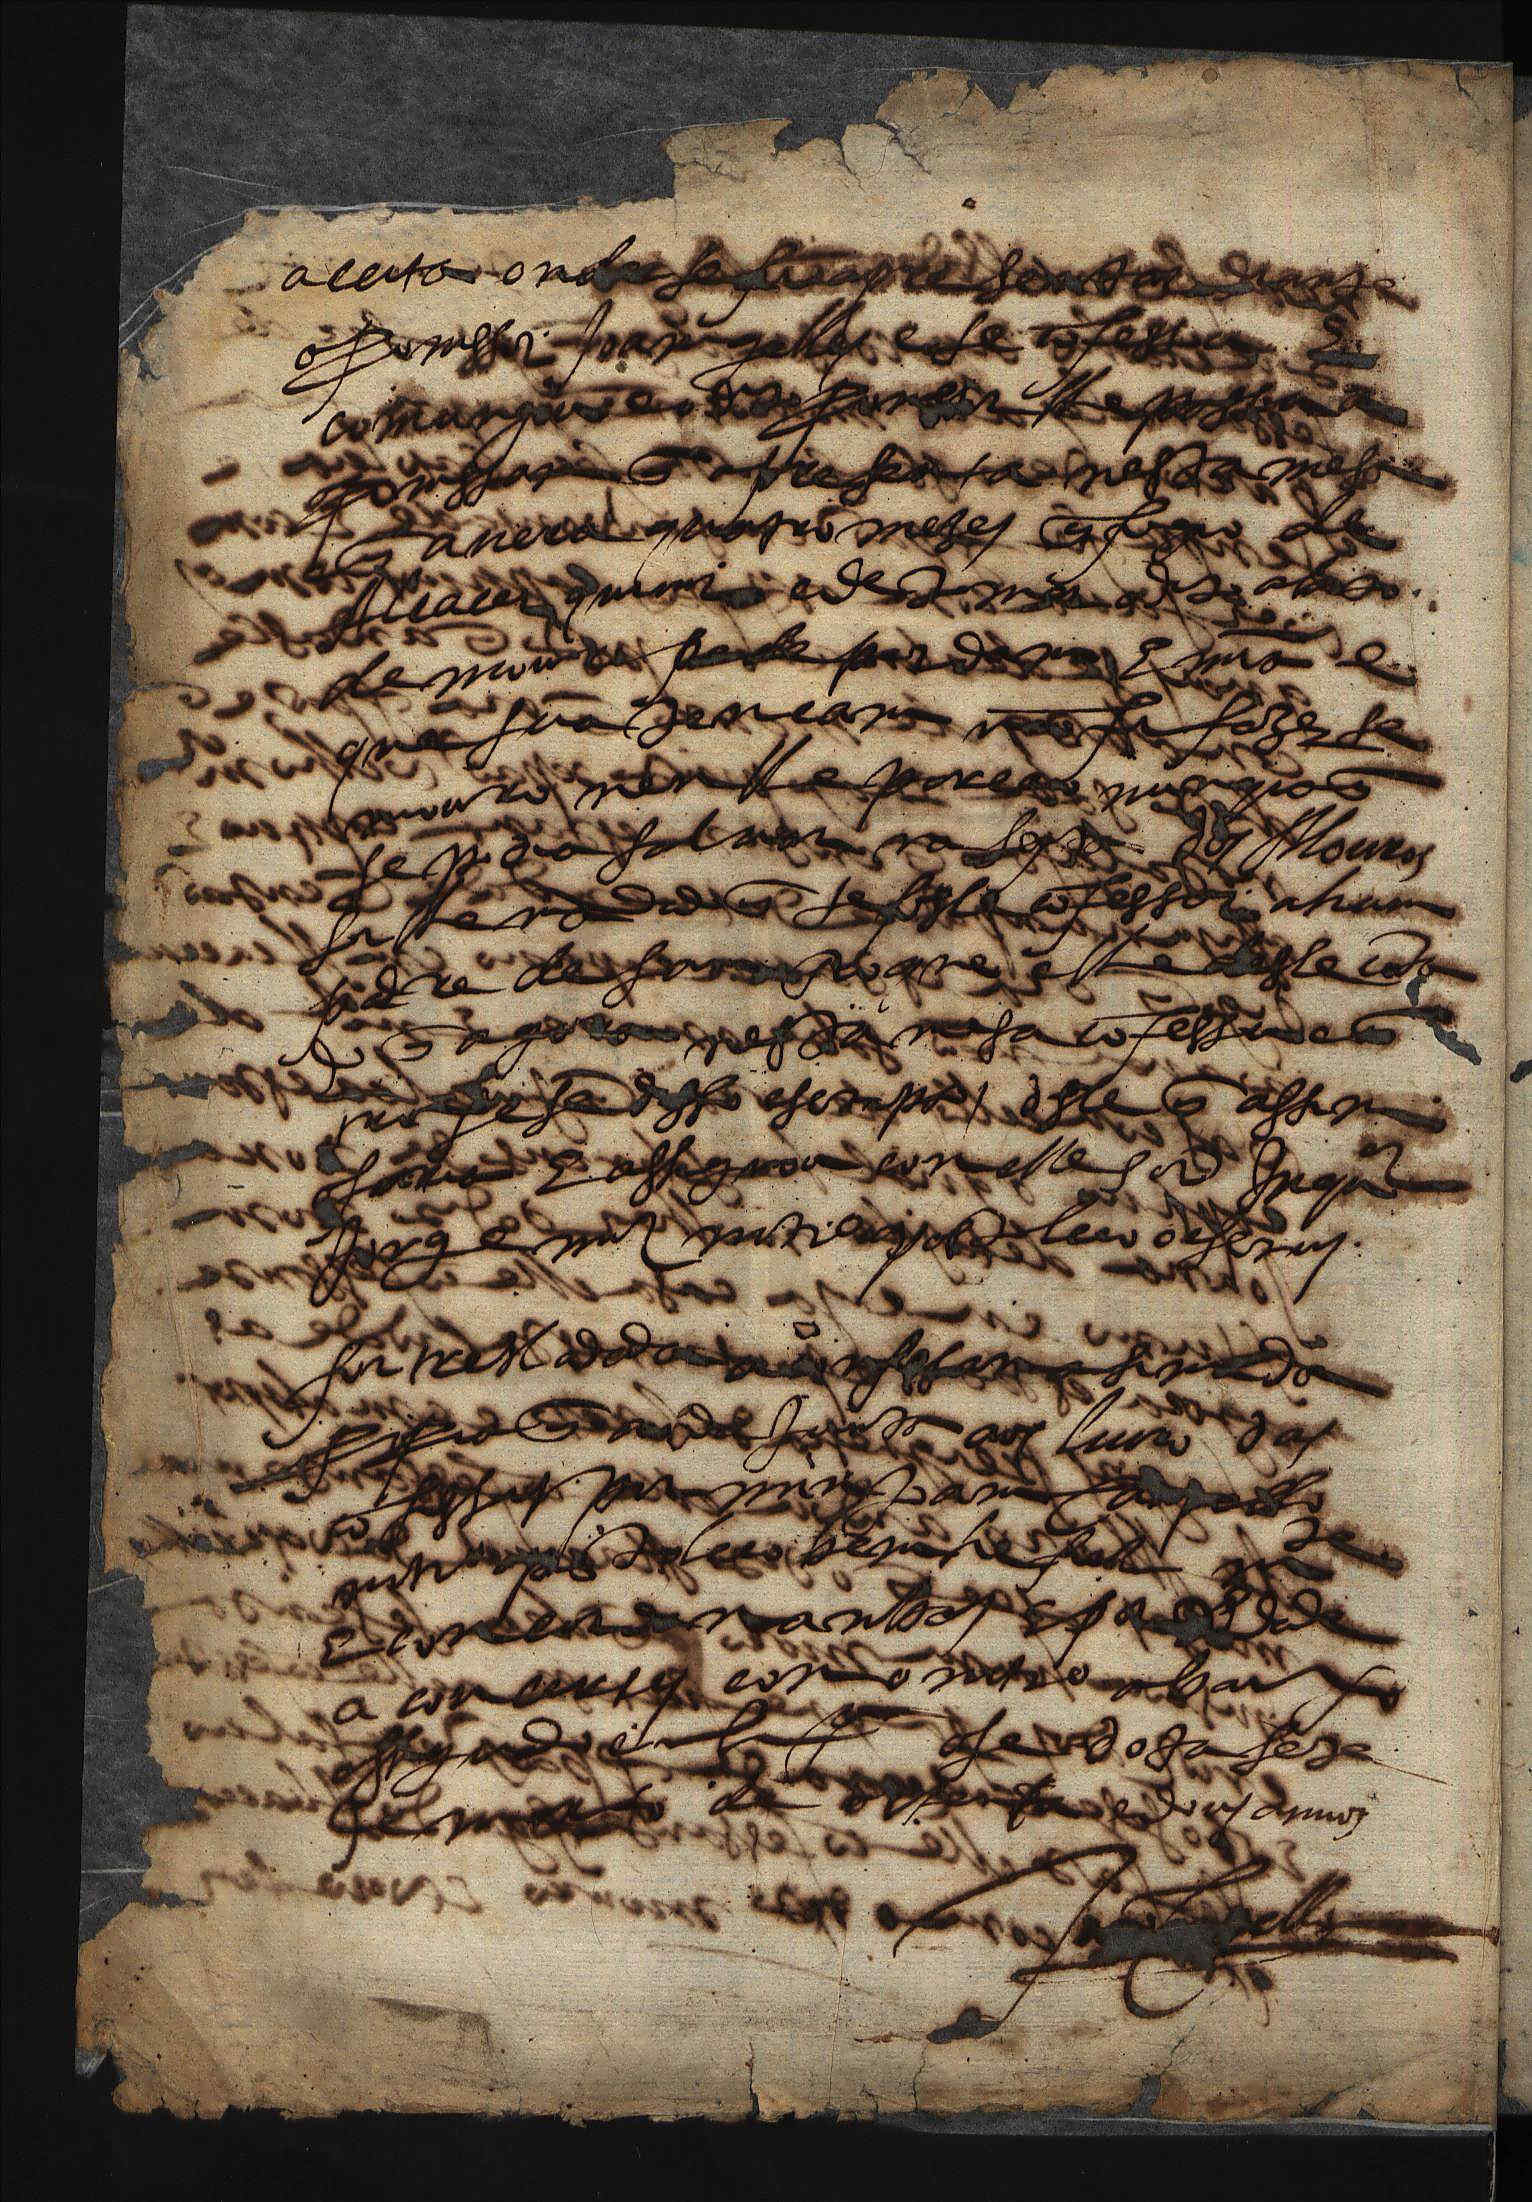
a ceuta onde se foi apresentar diante
o ꝓouissor Joam galles e se cōfessou E
comungou e dos ꝓouissor lhe passou a
ꝓouissam q̄ apresenta nesta mesa
e q̄ auera quatro mezes q̄ fogio de
Alcacer quiuir e de tomar o dito abito
de mouro pede perdam E mīa e
que sua tençam não foi fazer se
mouro nen lhe pareceo nunqua q̄
se podia saluar na sejta dos Mouros
foi lhe mandado q̄ se fosse cōfessar a hum
padre de sam Roque e lhe desse cōta
do q̄ agora nesta mesa cōfessa e q̄
trouxese disso escripto disse q̄ assim
o faria E assignou com elle sor̄ Jnquor
Jorge miz notro apostolico o escruj.
foi trelladada a confesam asinada
ꝓꝓia q̄ anda Junta aos liuro dos
cōfessos por mim Joam Campello
notro apostolico bem he fielmte
E concorda na notas E por ꝟdade
a concertei com o notro abaiXo
assignado en Lxa oJe dosasete
de maio de oitenta e dous annos
